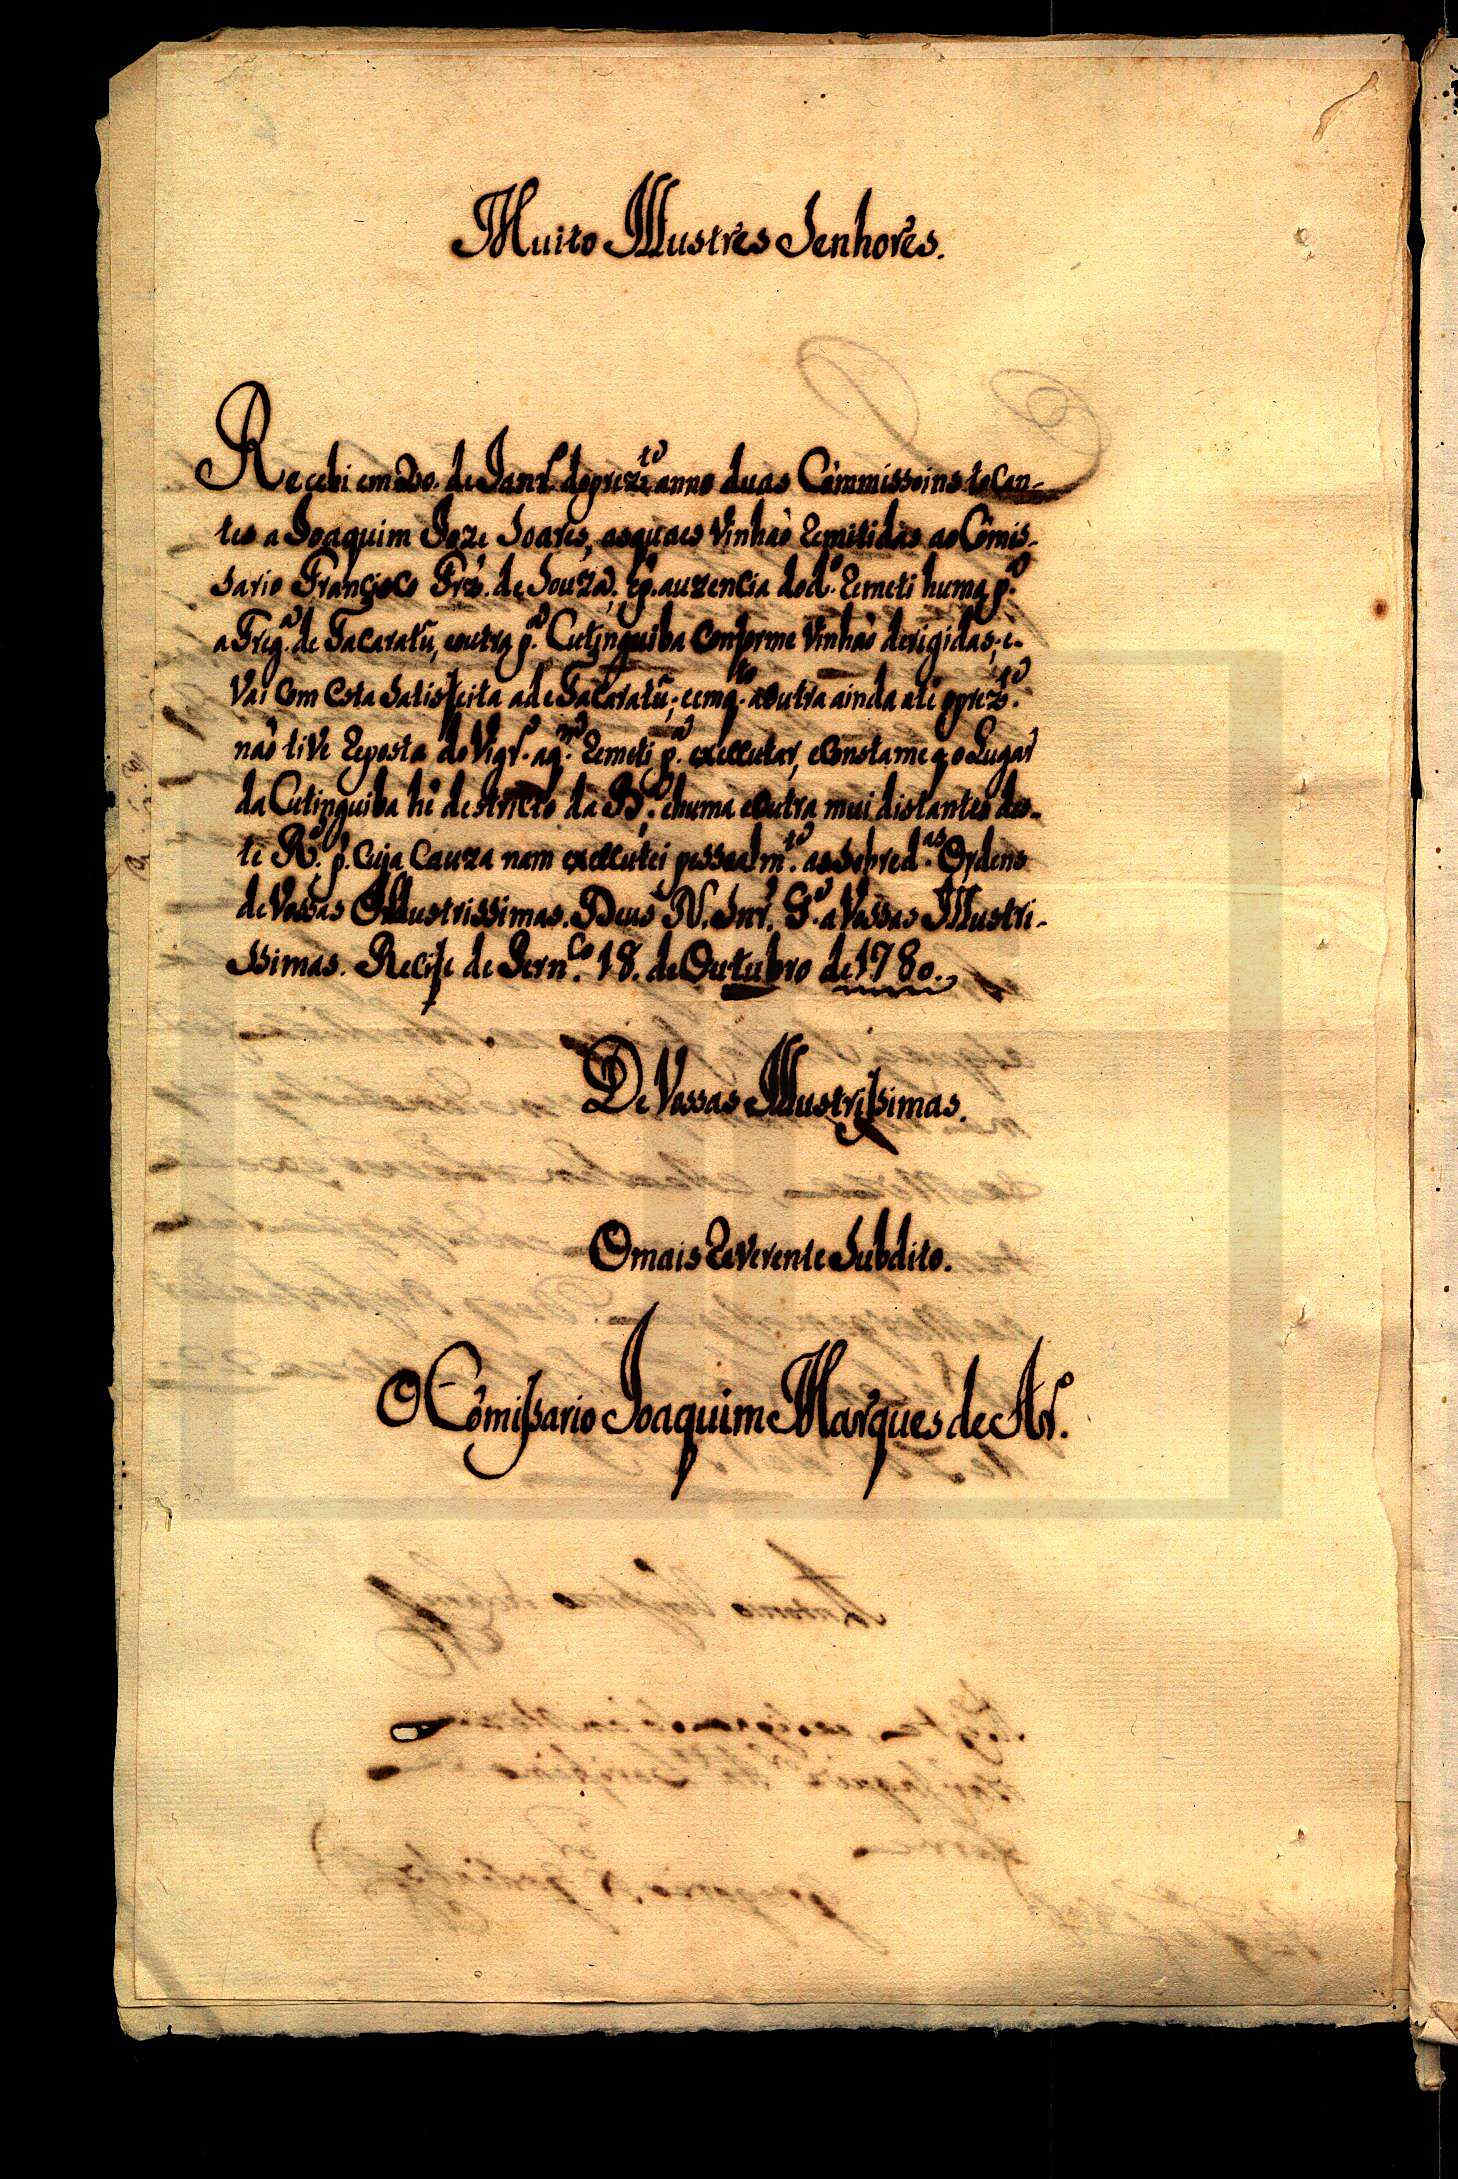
Muito Illstres Senhores.
Recebi em 20. de Janr.o do prezete anno duas Cómmissoins toCan
tes a Ioaquim Ioze Soares, as quaes Vinhaõ Remitidas ao Cómis
sario Francisco Frz̄ de Souza; e p.r auzencia do d.o Remeti huma p.a
a Freg.a de Tacaratú, e outra p.a Cutinguiba Conforme Vinhaõ derigidas; e
Vai com cota satisfeita a de Tacaratú; e emq.to a outra ainda ate o prez.te
naõ tiVe Resposta do Vigr.o a q.m Remeti p.a execcutar, e Constame q o Lugar
da Cutinguiba hé destricto da Ba; e huma e outra mui distantes des
te R.o p̄ cuja cauza nem execcutei pessoalm.te as sobred.as Ordens
de Vossas Exllustrissimas, Deus N. Snr̄. G.e a Vossas Illustri
ssimas. Recife de Pern.co 18 de Outubro de 1780.
De Vossas Illustrissimas.
O mais Reverente Subdito.
O Cōmissario Ioaquim Marques de Ar.o
